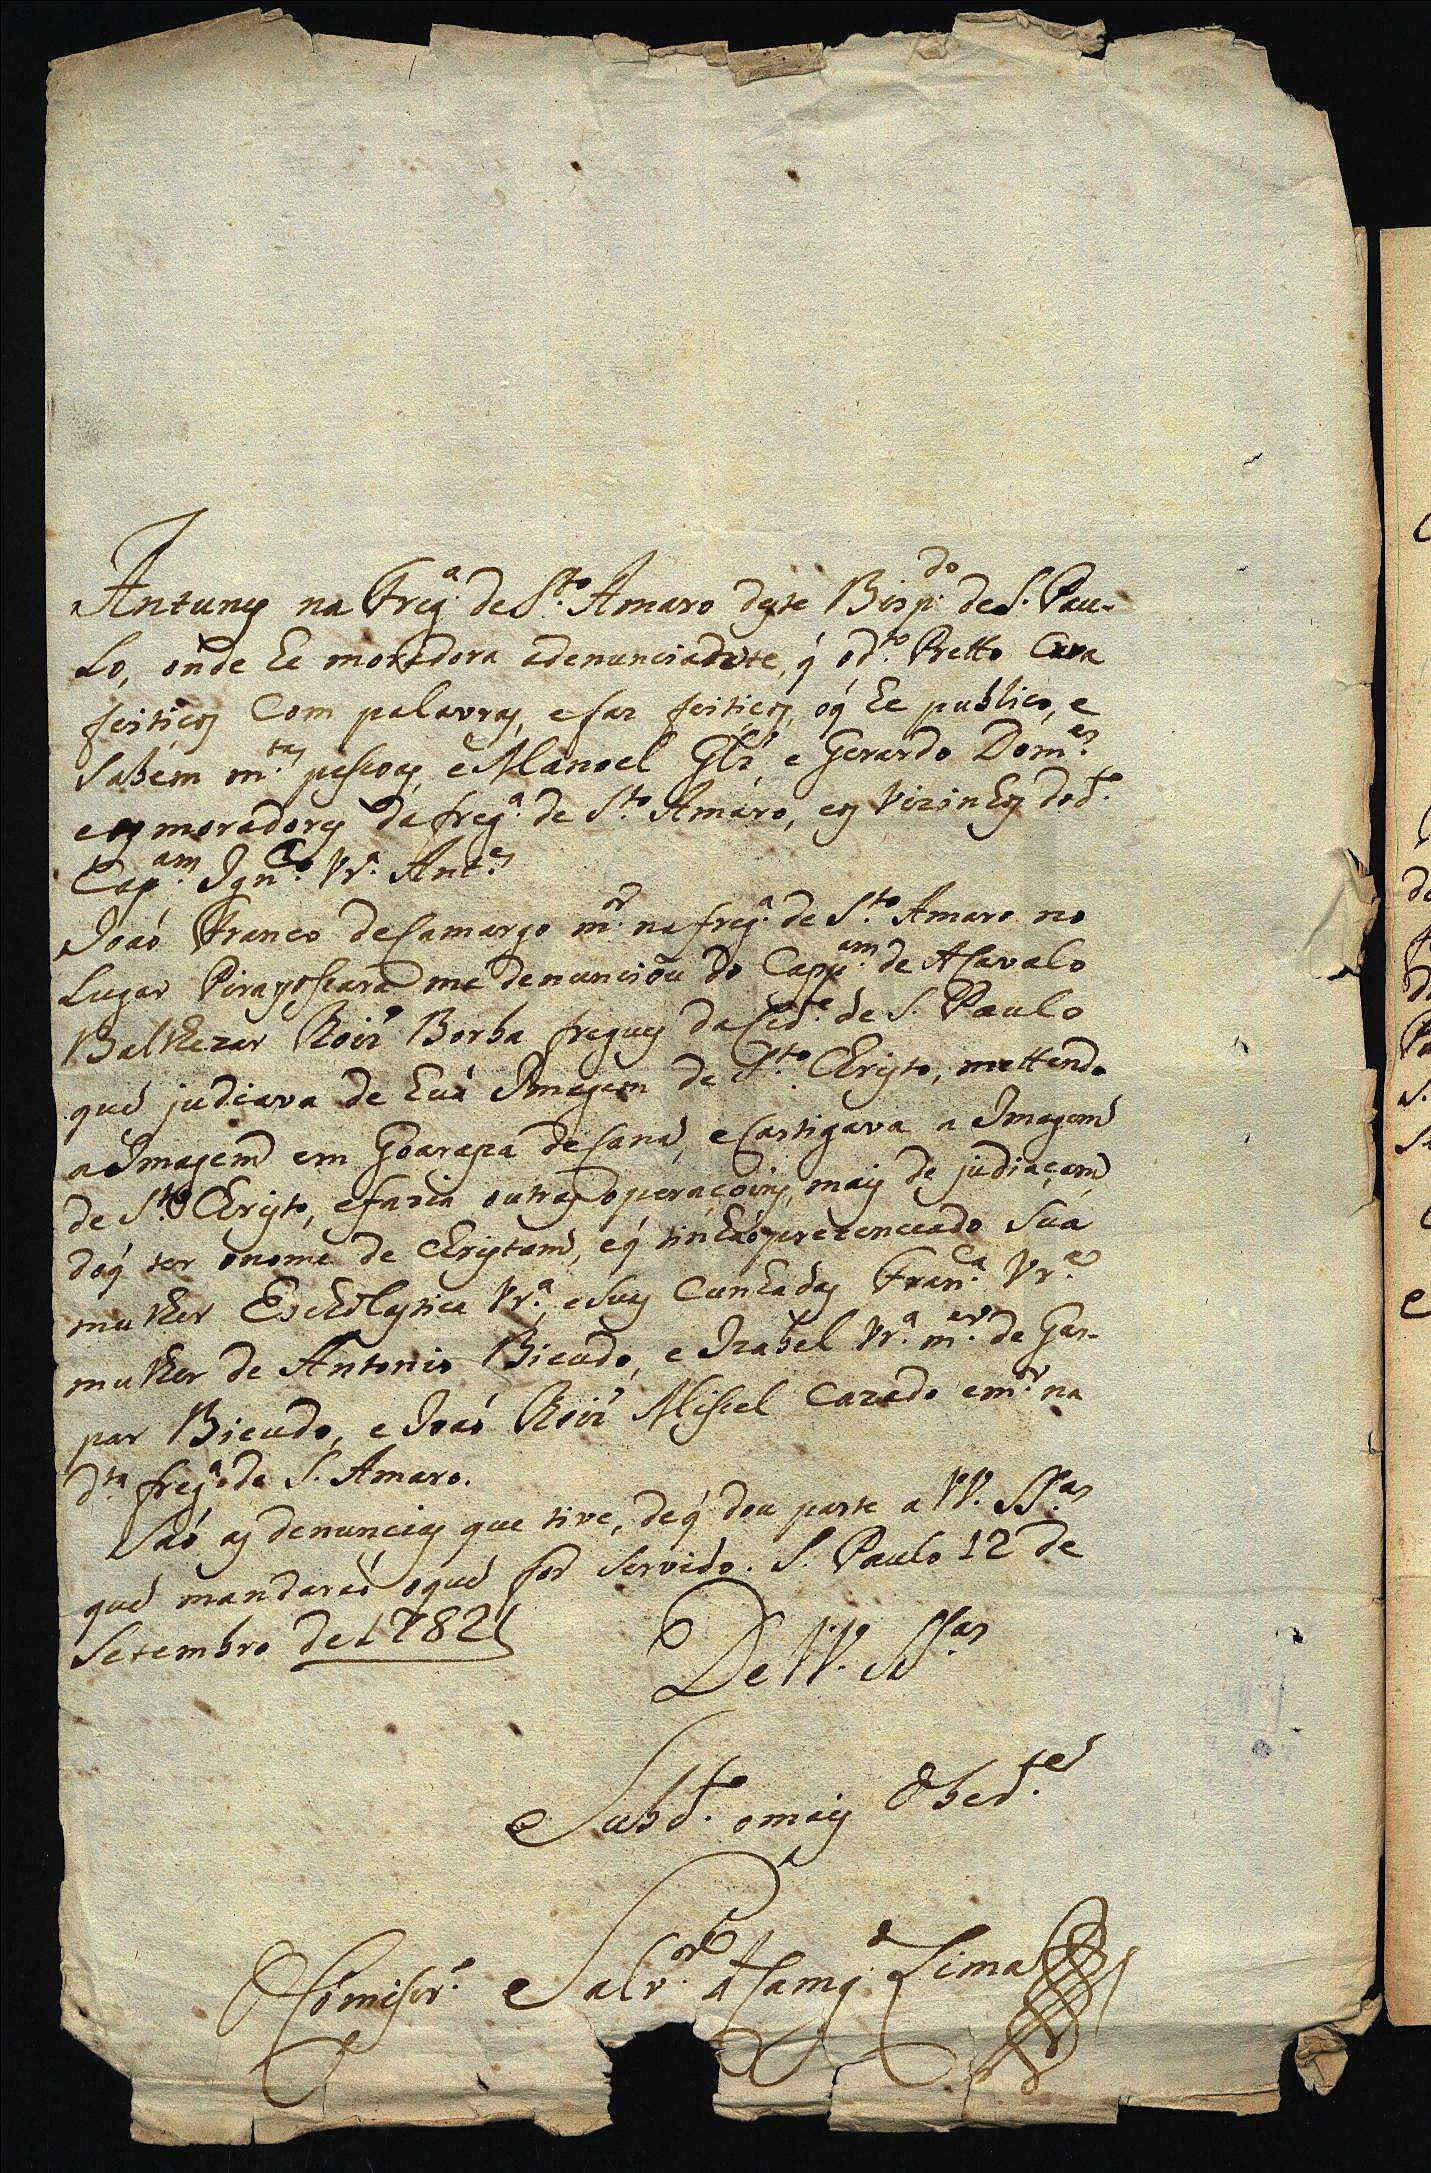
Antunes na Freg.a de S.to Amaro deste Bisp.do de S. Pau
Lo, onde he moradora a denunciadote, q̄ o d.o Pretto Cura
feitiços Com palavras, e faz feiticos, o q̄ he publico, e
sabem m.tas pessoas, e Manoel Glz̄, e Gerardo Dom.es
e os moradores da freg.a de S.to Amaro, e os Vizinhos do d̄.o
Cap.am Ign.co Vr.a Ant.es
Ioaõ Franco de Camargo m.or na freg.a de S.to Amaro no
Lugar Pirajossara me denunciou do Capp.am de ACavalo
Balthezar Roiz̄ Borba fregues da Cid.e de S. Paulo
que judiava de huā Imagem de S.to Christo, mettendo
a Imagem em Goarapa de Cana, e Castigava a Imagem
de S.to Christo, e fazia outras operaçoens, mais de judiaçam
do q̄ ter o nome de christam, e q̄ tinhaõ prezenciado sua
mulher Escholastica Vr.a, e suas Cunhadas Fran.ca Vr.a
mulher de Antonio Bicado, e Izabel Vr.a m.er de Gas
par Bicudo, e Ioaõ Roiz̄ Missel cazado e m.or na
d.ta freg.a de S. Amaro.
Saõ as denuncias que tive, de q̄ dou parte a VV. Ss.as
que mandaraõ o que for servido. S. Paulo 12 de
Setembro de 1782
De VV. SS.as
Subd.o o mais Obed̄.e
O Comissr.o Salv.or d̄ Camgo Lima
